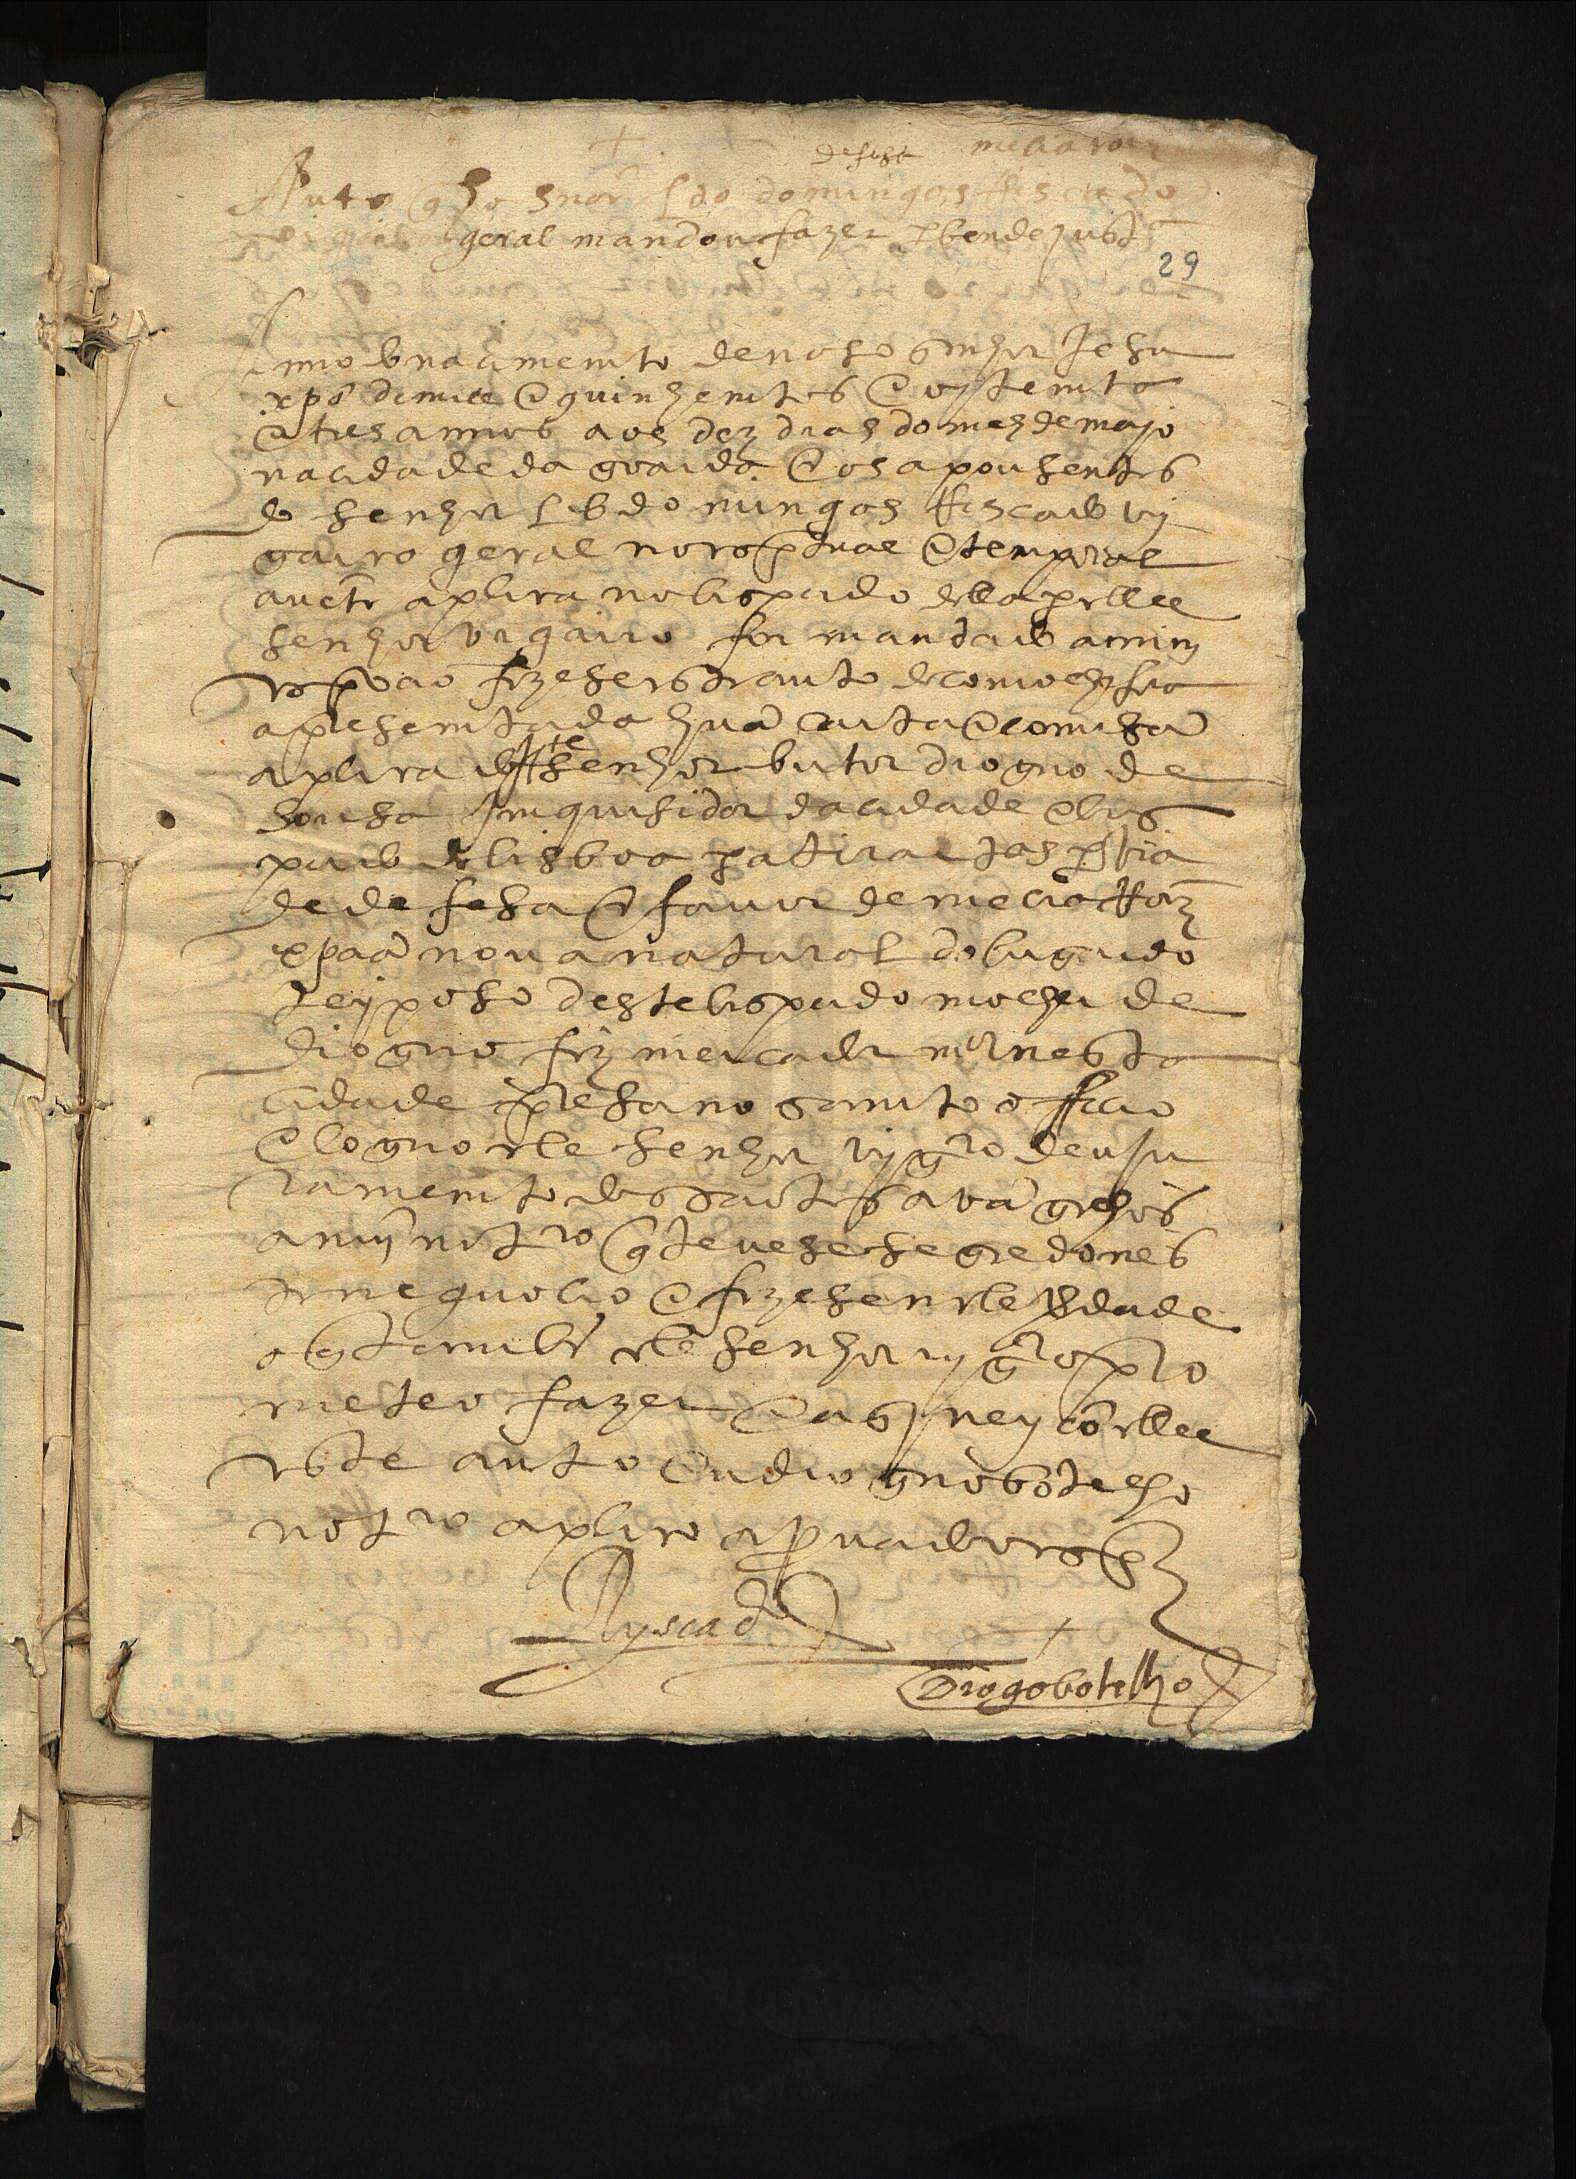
Anno do nacimemto de noso senhor Jesu
xpō de mill e quinhemtos e ojtemta
e tres annos aos dez dias do mes de majo
na cidade da goarda ē os apousentos
do senhor Ldo domingos Riscado vy
gairo geral no esp̄tual e temporal
auct̄e aplica no bispado della ꝑ ellee
senhor vigairo foi mandado a mim
esp̄vaõ fizese este auto de como lhe fora
apresemtada huā carta e comisā
aplica do Jlte senhor doutor dioguo de
Sousa Jmquisidor da cidade e bis
pado de lisboa ꝑa tirar tas ꝑ via
de defesa ē fauor de mecia Roiz̄
xpaā noua natural do lugar do
teyxoso deste bispado molher de
dioguo frz̄ mercador mor nesta
cidade presa no samto officio
e loguo ele senhor vygro deu Ju
ramemto dos saõtos avāgelhos
a mȳ notro q̄ teuese segredo nes
te neguocio e fizese nele ꝟdade
o q̄ tambē ele senhor ujgro pro
meteo fazer e asjney cō ellee
este auto eu dioguo botelho
notro aplico aꝓuado o esp̄j
